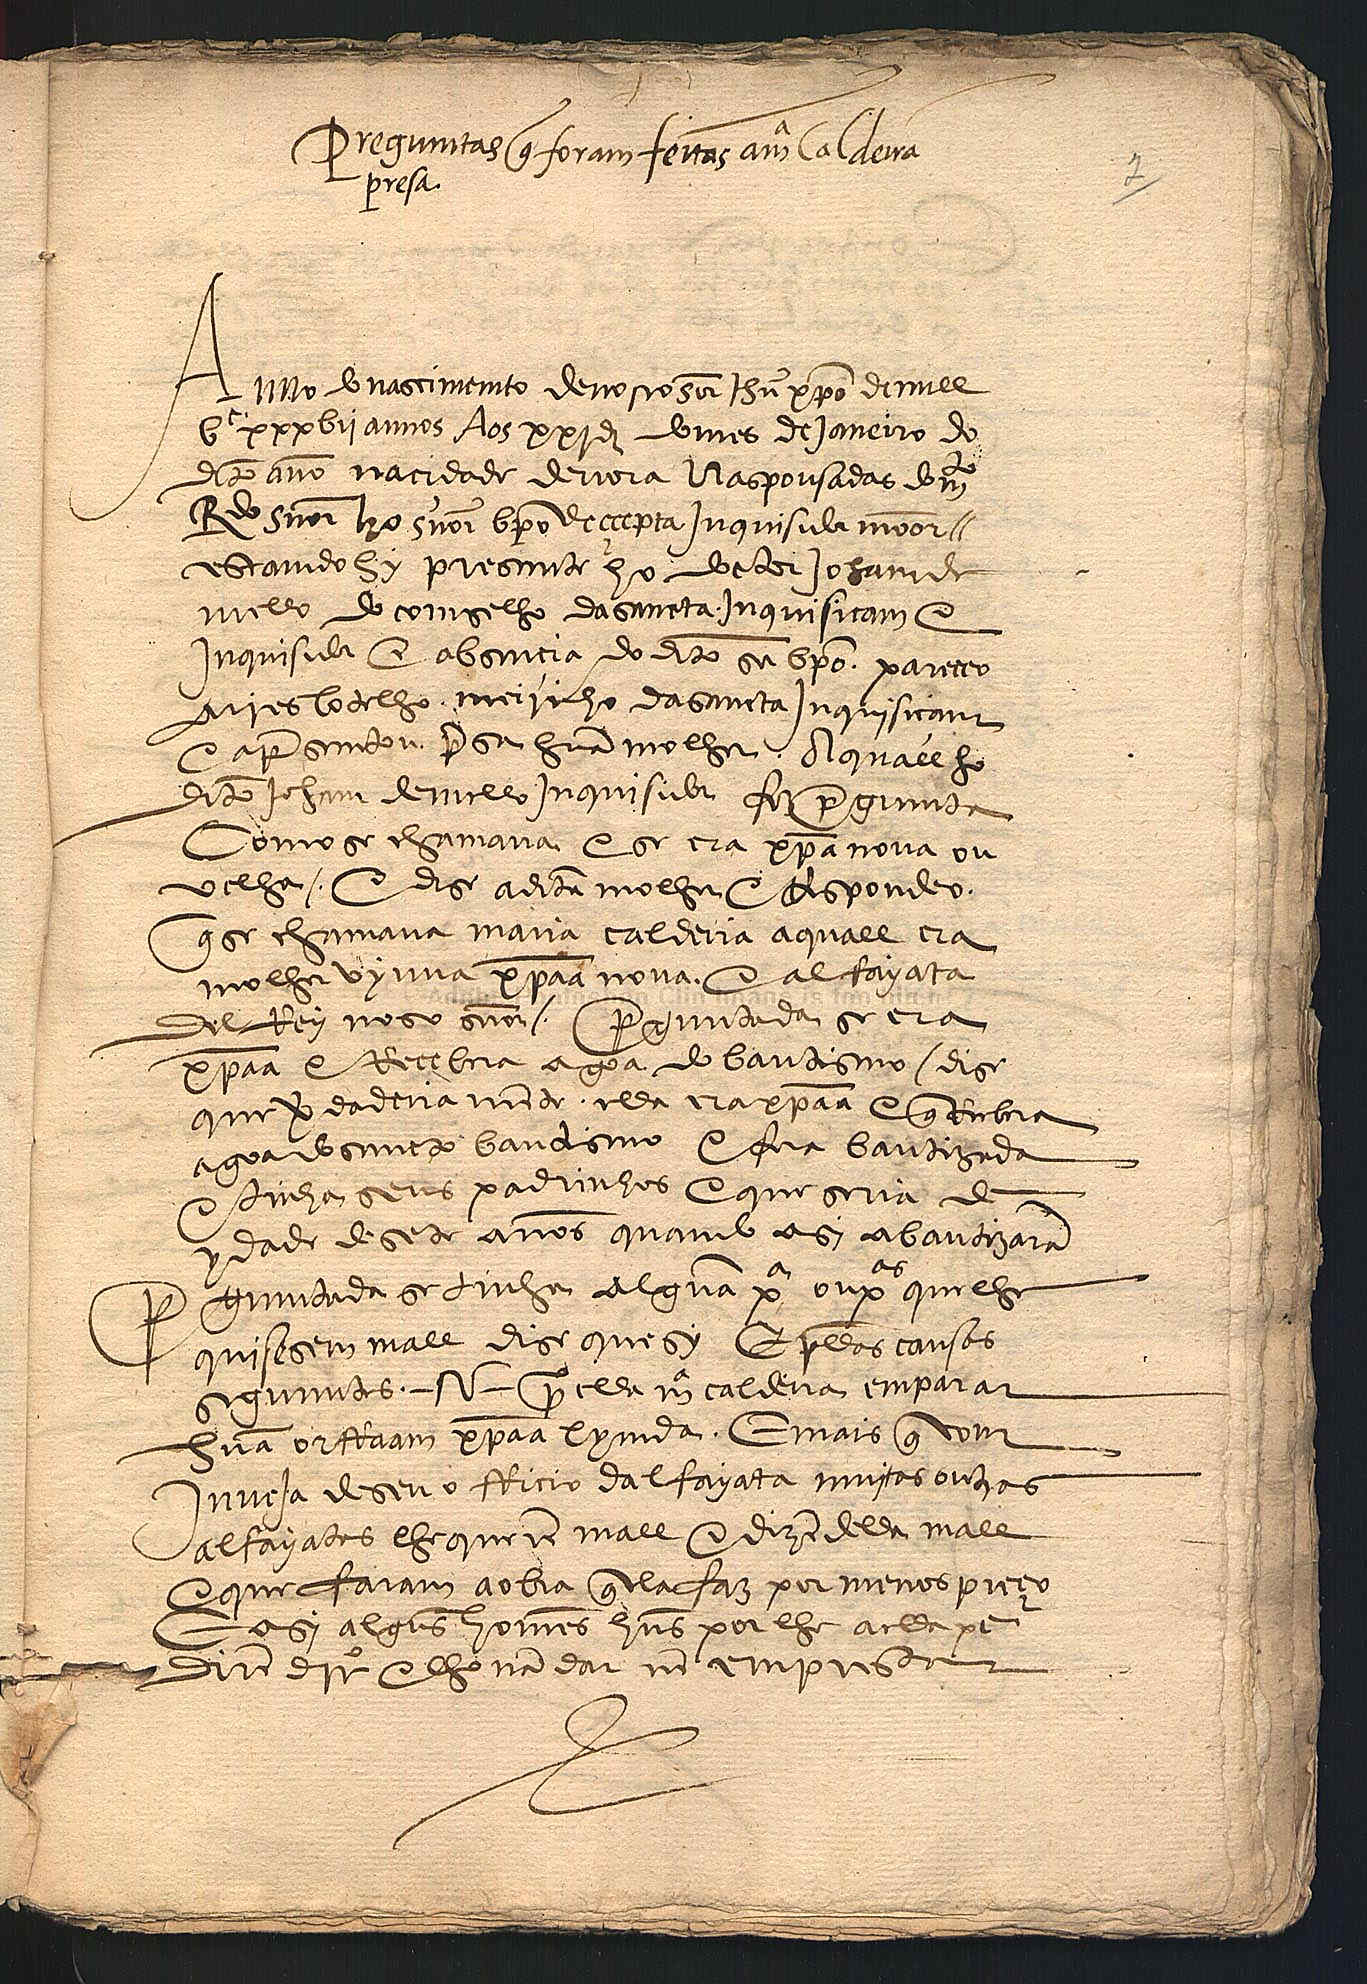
Pregumtas q̅ foram feitas a ma Caldeira
presa.
Anno do nascimemto de nosso s̄or Jhu̅ xp̅o de mill
bc xxxbij annos Aos xxj d̄ do mes de Janeiro do
dit̅o a̅no na çidade deuora Nas pousadas do mto
Rdo Sn̅or ho snōr bp̅o de çcepta Jnquisidor m̅oor //
estamdo hy presemte ho doctor Joham de
mello do comselho da sancta Jnquisicam e
Jnquisidor e̅ absençia do d̅ito sor bpō. pareceo
Aires botelho meirinho da sancta Jnqujsiçam
e ap̄semtou p̄sa hu̅a molher. A quall ho
dit̅o Joham de mello Jnquisidor fez p̄gumta
Como se chamaua e se era x̅pa noua ou
velha /. e dise a dit̅a molher e Respondeo
q̅ se chamaua maria caldeira a quall era
molher vyuua x̅paa noua. e alfayata
del Rey noso s̅nor/. p̄guntada se era
x̅paa e Recebera agoa do bautismo / dise
que ꝟerdadeirame̅te ella era xp̅aa e q̅ Recebera
agoa do sancto bautismo e fora bautizada
e tinha seus padrinhos e que seria de
ydade de sete an̅os quando asy a bautizara̅
p̄gumtada se tinha algu̅a pa ou pas que lhe
quisesem mall dise que sy E p̅llas causas
seguimtes. -ss- p̄o ella ma caldeira emparar
hu̅a orffaam x̅paa lymda. E mais q̅ com
JnueJa de seu officio dalfayata mujtas outras
alfayatas lhe quere̅ mall e dize̅ della mall
e que faram a obra q̅ ela faz por menos preço
E asy algu̅s hom̅es hu̅s por lhe a ella pe
dire̅ drro e lho na̅ dar ne̅ emprestar
